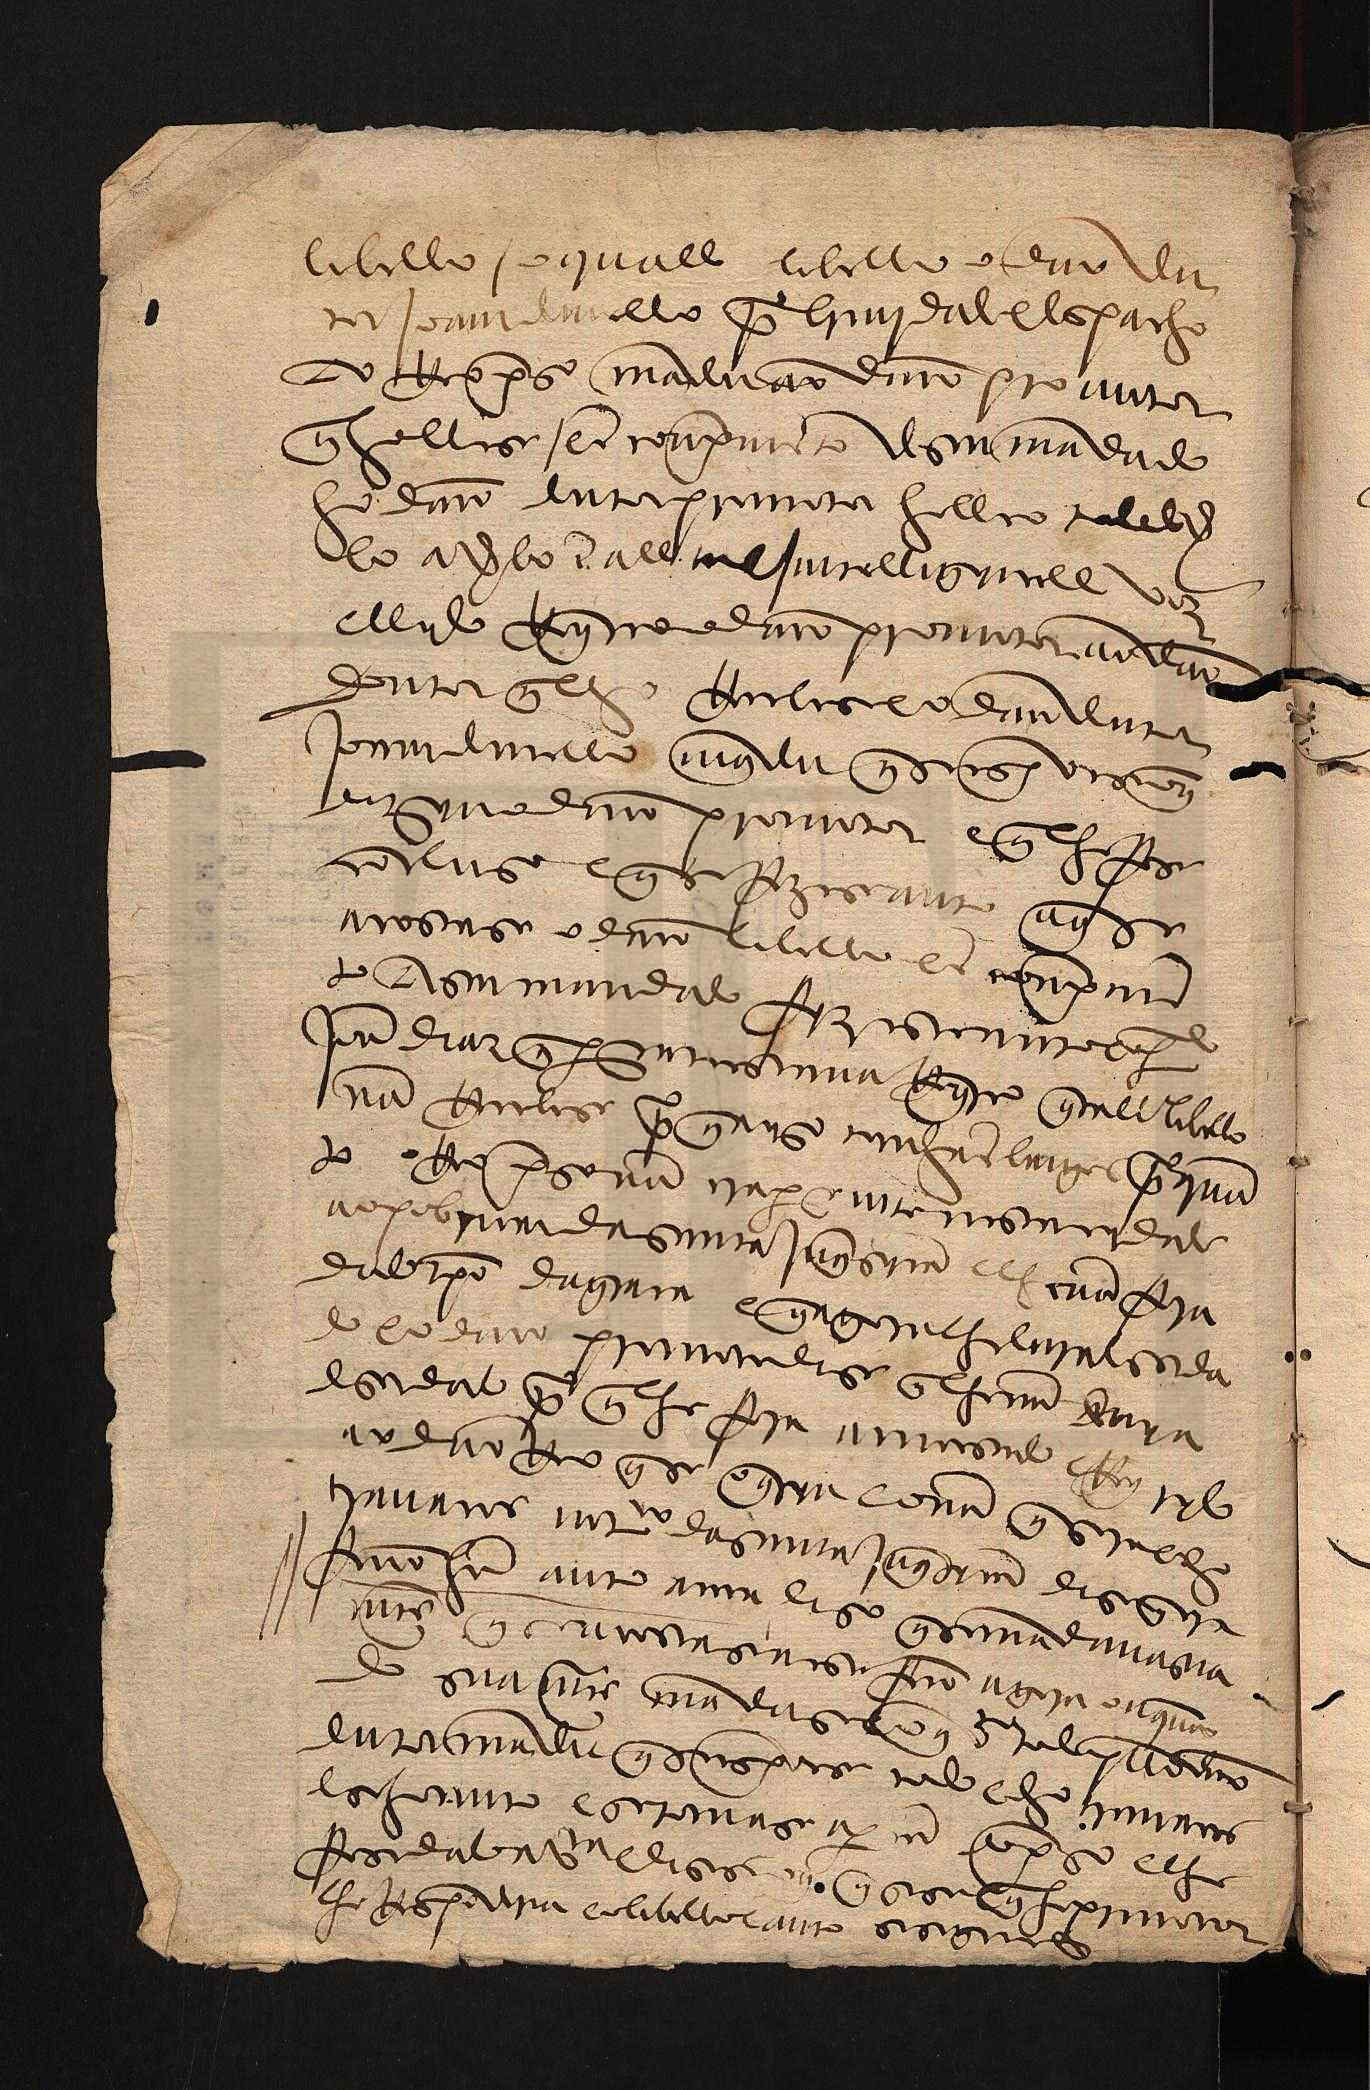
libello / o quall libello o dito dou
tor Joam de mello p̄o breujdade e despacho
do Reo p̄so mādou ao dicto promotor
q̄ ho llese / e ē conp̄mēto de seu mādado
ho dicto doutor promotor ho lleo todo de ꝟ
bo a ꝟbo ē allta e Jmtelligyuell voz
e llydo Req̄reo o dicto promotor ao dicto
doutor q̄ lho Recebese e o dicto doutor
Joam de mello mādou q̄ se esp̄vese o q̄
dizya o dicto promotor e q̄ lhe fose
cōcluso e q̄ se fezese auto a q̄ se
acostase o dicto libello e ē conp̄mē
to de seu mandado fyz este auto e o Ldo
Joā diaz q̄ ꝑsente estaua Req̄reo q̄ tall libello
nā Recebese p̄oq̄ a yso tynha ēbargos p̄oquā
to o Reo p̄so nā era ꝑsemte nesta cydade
ao pobricar da santa Jnq̄syçā e lhe nā fora
dado t̄po da graça e q̄ agora lhe deuja de ser da
do e o dicto promotor dise q̄ lhe nā deuya
de ser dado p̄oq̄ lhe fora amoestado e Req̄rydo
ao dito Reo q̄ se o q̄rya e o nā q̄sera e djo
trauaços notro da santa Jnq̄syçā dise q̄ era
fect̄o hū auto ante diso q̄ se mādaua sua
m̄ce q̄ se acostase a este fct̄o agora ou quan
do sua m̄ce mādase e o q̄ vto todo p̄llo dito
doutor mādou q̄ se esp̄vese todo e djo trauaços
dese ho auto e se tornase a ꝑ çā do p̄so e lhe
fose dado a vta e disese o q̄ q̄sese e q̄ ho promotor
lhe Respōderia e o libello e auto se seguem
